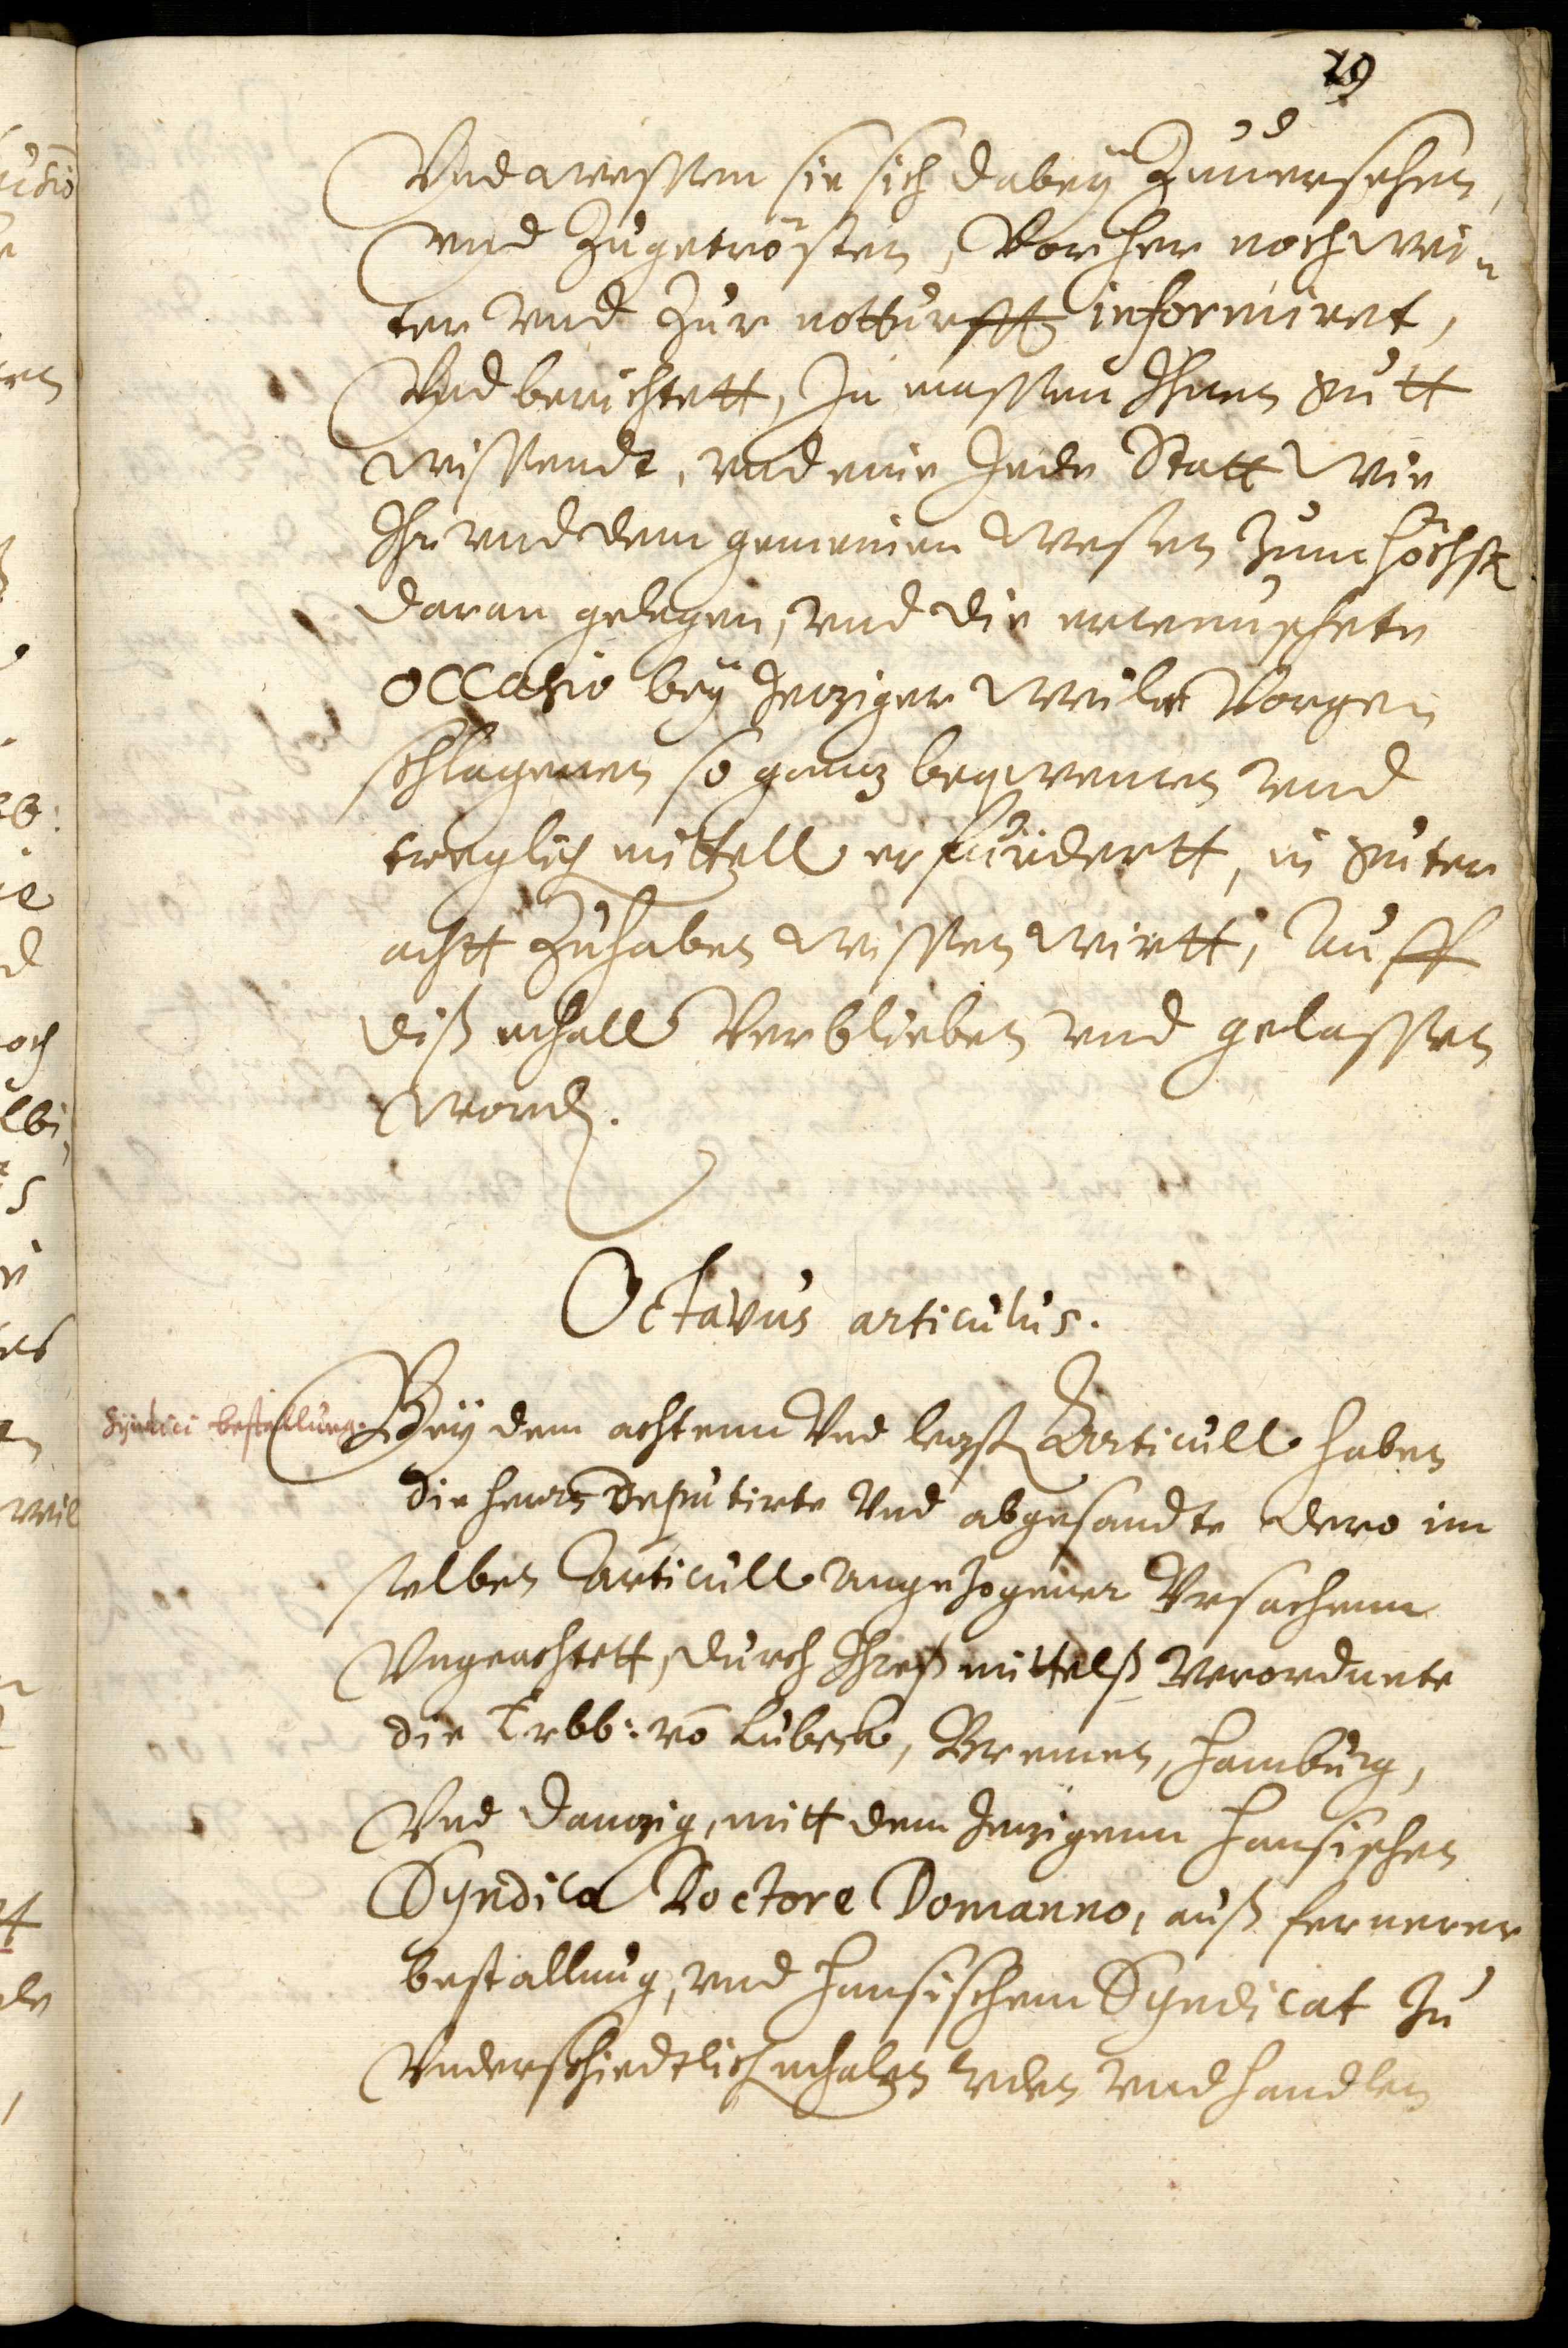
29
Vnd wessen sie sich dabeij zuuersehen,
vnd zu getrösten, vorher noch wei¬
ter vnd zur notturftt informiret,
Vnd berichtett, In massen Ihnen gutt
wissendt, vnd eine jede Statt wie
Ihre vnd dem gemeinen wesen zum höchsten
daran gelegen, vnd die erwunschete
occasio beij jetziger weilen Vorge¬
schlagenen so gantz beqwemen vnd
treglichen mittell erfürdertt, in guter
achtt Zuhaben wissen wirtt, Auff
diß mhall Verblieben vnd gelassen
worden.
Sijndici bestallung
Octavus articulus.
Beij dem achtenn Vnd letzsten Articull haben
die herrn deputirte vnd abgesandte dero im
selben Articull angezogener Vrsachenn
Vngeachtett, durch Ihres mittelß verordnete
die Erbb: von Lubeck, Bremen, Hamburg,
vnd Dantzig, mitt dem jetzigenn Hansischen
Syndico Doctore Domanno, auß fernerer
bestallung, vnd Hansischem Syndicat zu
Vnderschiedtlichen mhalen reden vnd handlen
